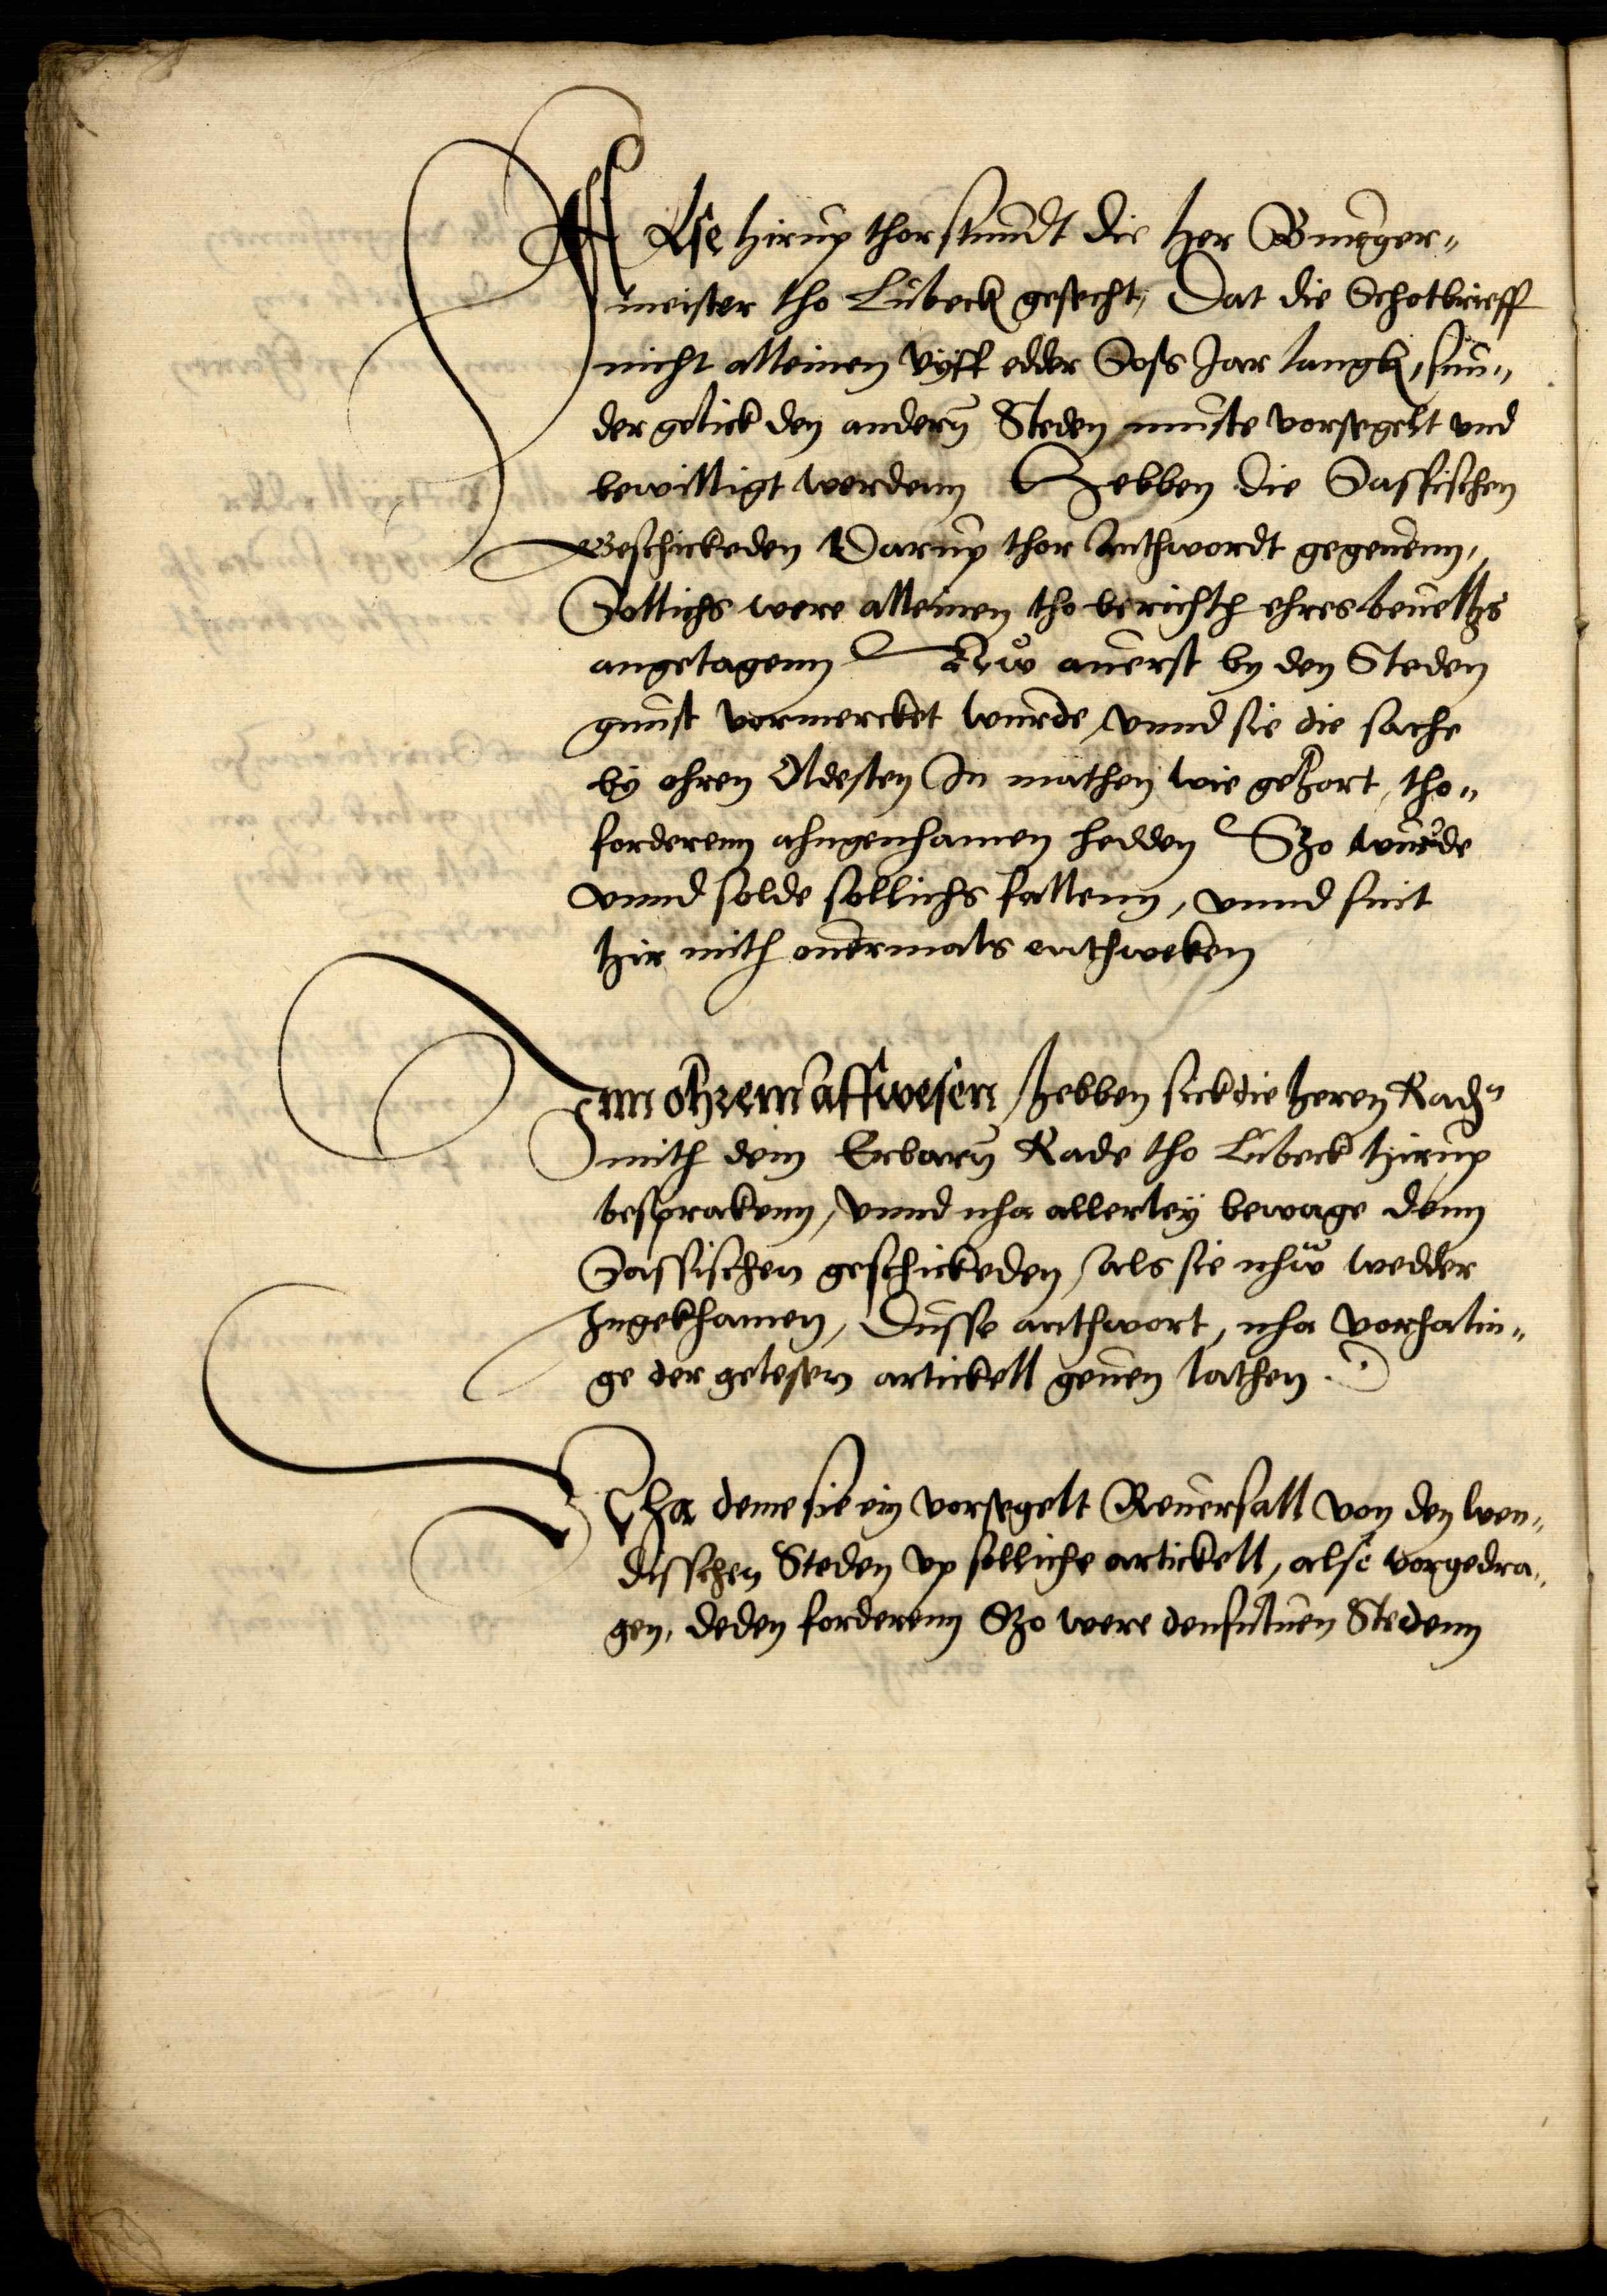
Alse hirup thor stundt die Her Burger¬
meister tho Lubeck gesecht, Dat die Schotbrieff
nicht alleinen vijff edder Soss Iar langk, sun¬
der gelick den andern Steden muste vorsegelt vnd
bewilligt werdenn Hebben die Sassischen
Geschickeden darup thor Anthwordt gegeuenn,
Sollichs were alleinen tho berichth ehres beuelhs
angetagenn Nw auerst by den Steden
gunst vormercket wurde, vnnd sie die sache
by ohren Oldesten In mathen wie gehort, tho¬
forderenn ahngenhamen hedden Szo wurde
vnnd solde sollichs fallenn, vnnd sint
Hir mith ouermals enthweken
Inn ohrem affwesen hebben sick die heren Radessendeboden
mith dem Erbarn Rade tho Lubeck Hirup
besprakenn, vnnd nha allerleij bewage denn
Sassischen geschickeden Als sie nhw wedder
Ingekhamen, Dusse anthwort, nha vorhalin¬
ge der gelesen artickell geuen lathen
Na deme sie ein vorsegelt Reuersall von den wen¬
dischen Steden vp solliche artickell, alse vorgedra¬
gen, deden forderenn Szo were densuluen Stedenn
